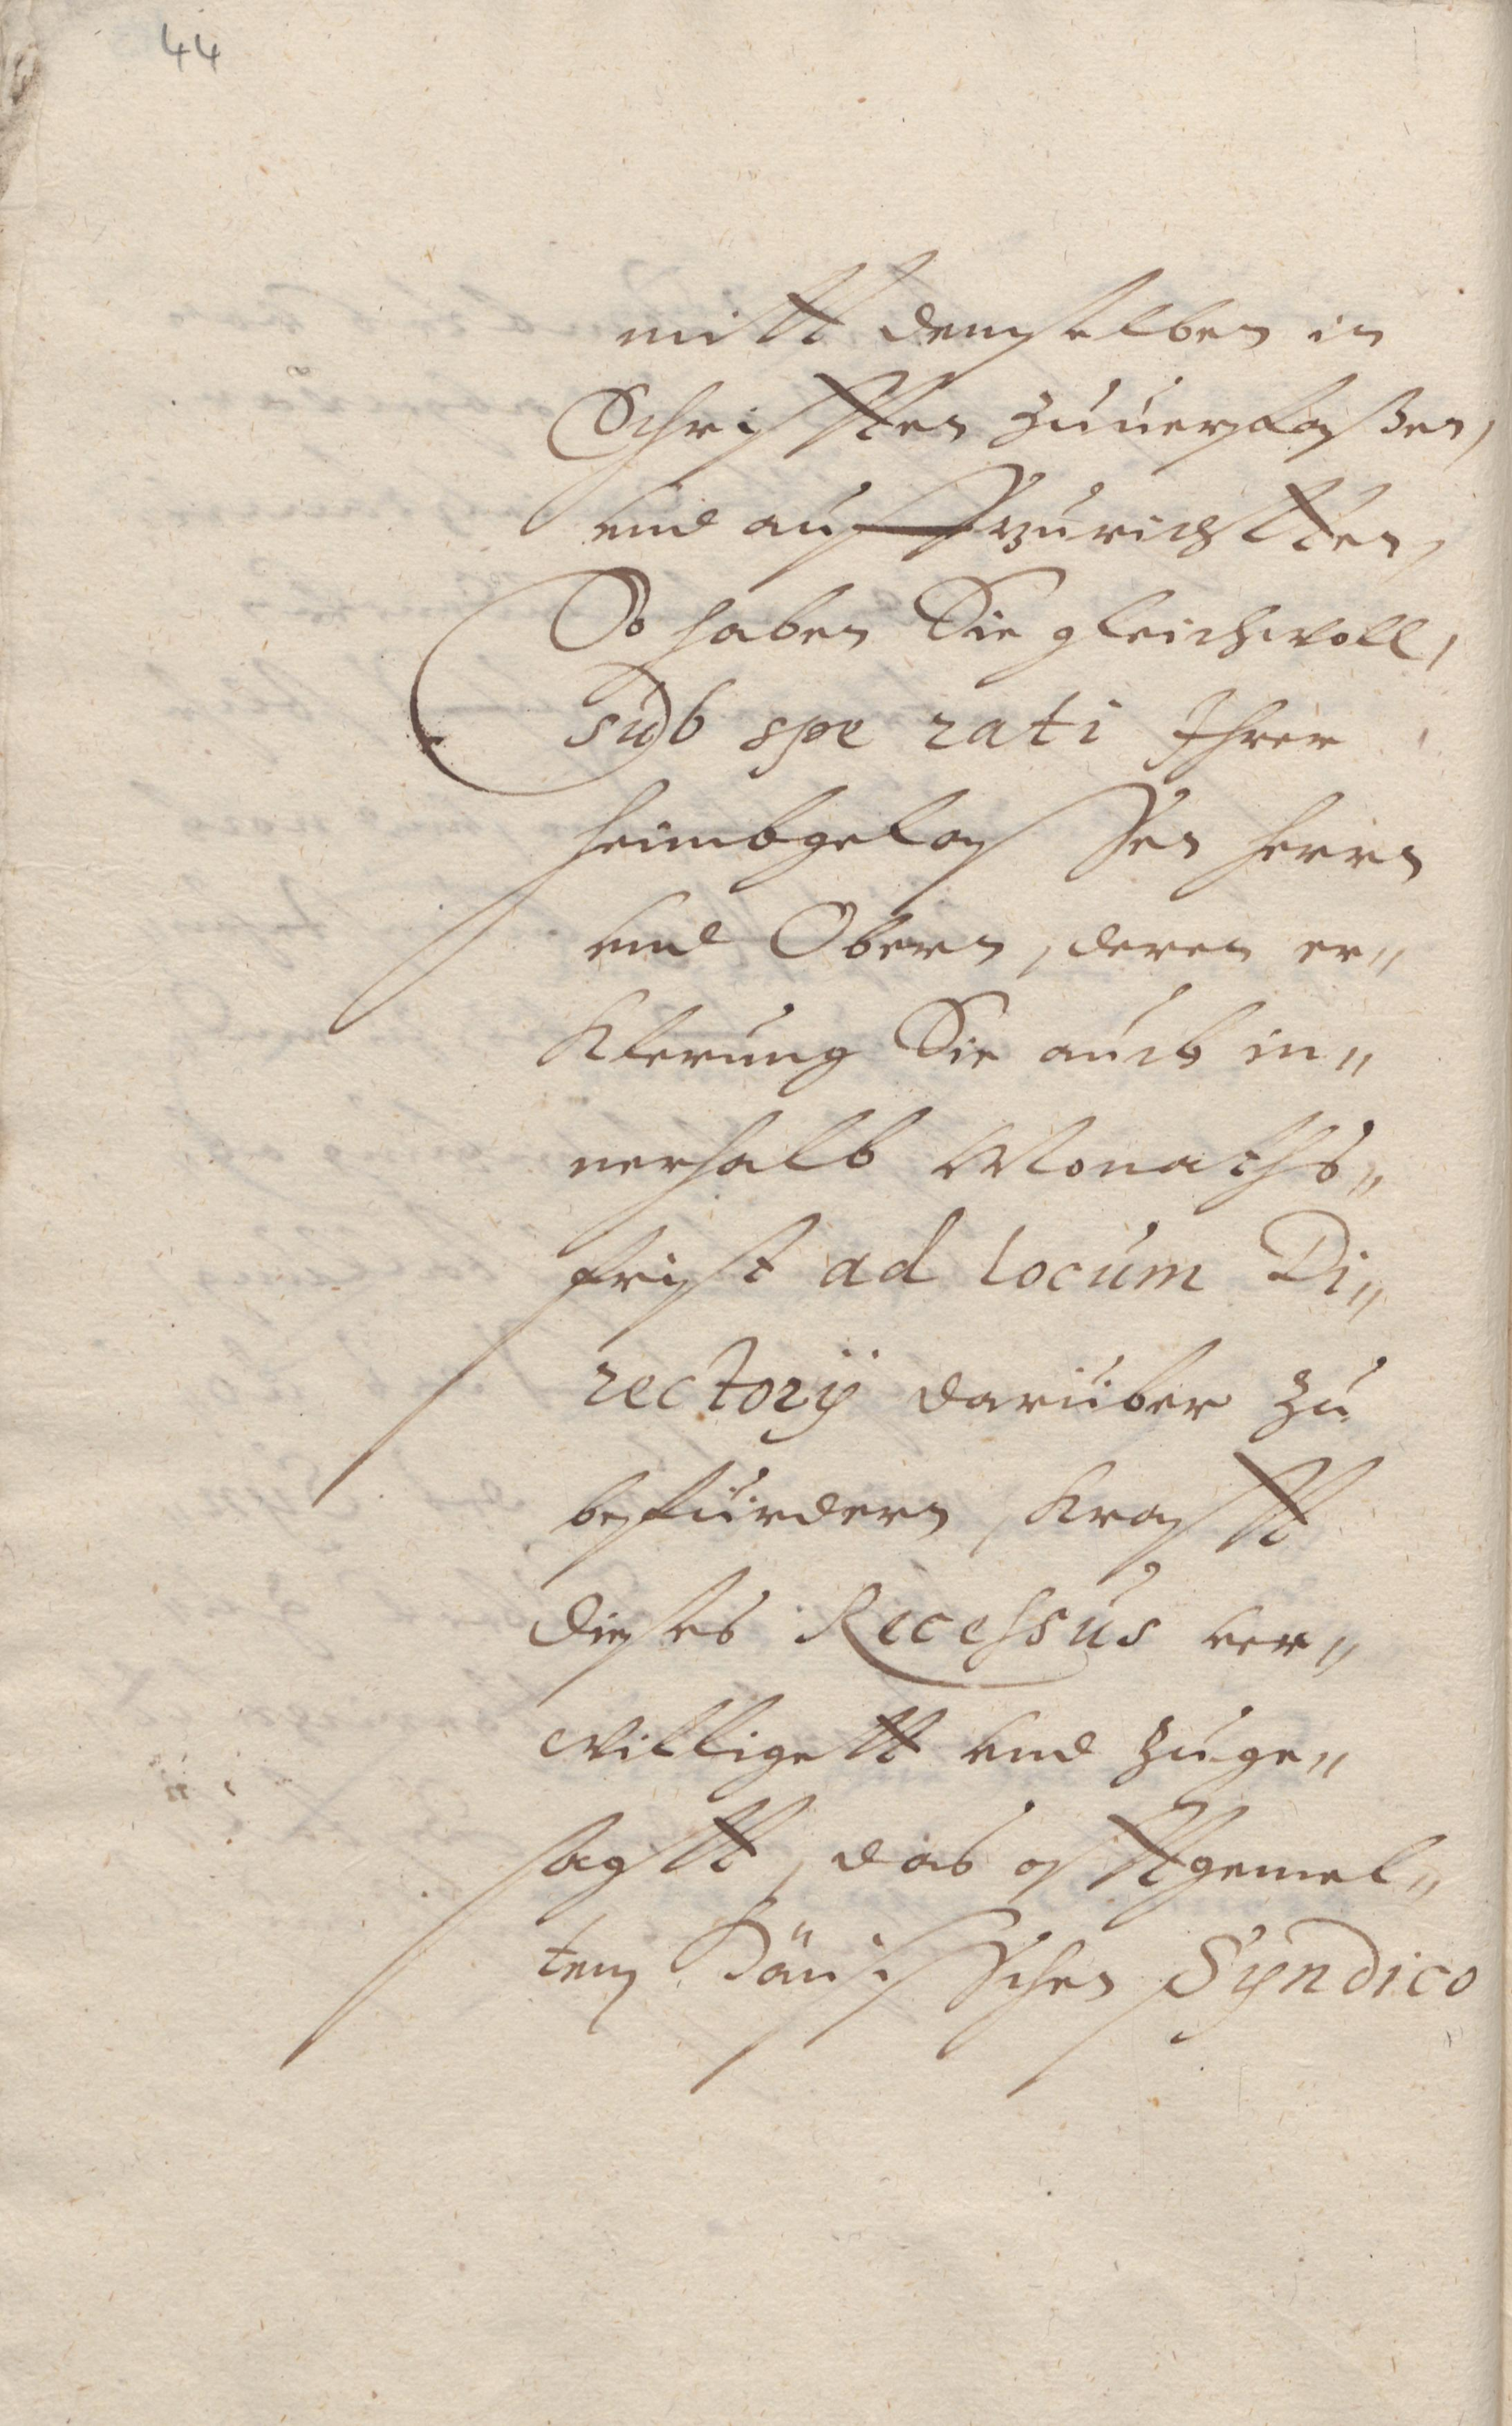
mitt demselben in
Schrifften zuuerfaßen,
vnd auffzurichtten,
So haben Sie gleichwoll,
sub spe rati Ihrer
heimbgelassen herrn
vnd Obern, deren er¬
klerung Sie auch in¬
nerhalb Monaths¬
frist ad locum Di¬
rectorij darüber zu
befurdern, krafft
dieses Recessus ver¬
willigett vnd zuge¬
sagtt, das offtgemel¬
tem Hänsischen Syndico
